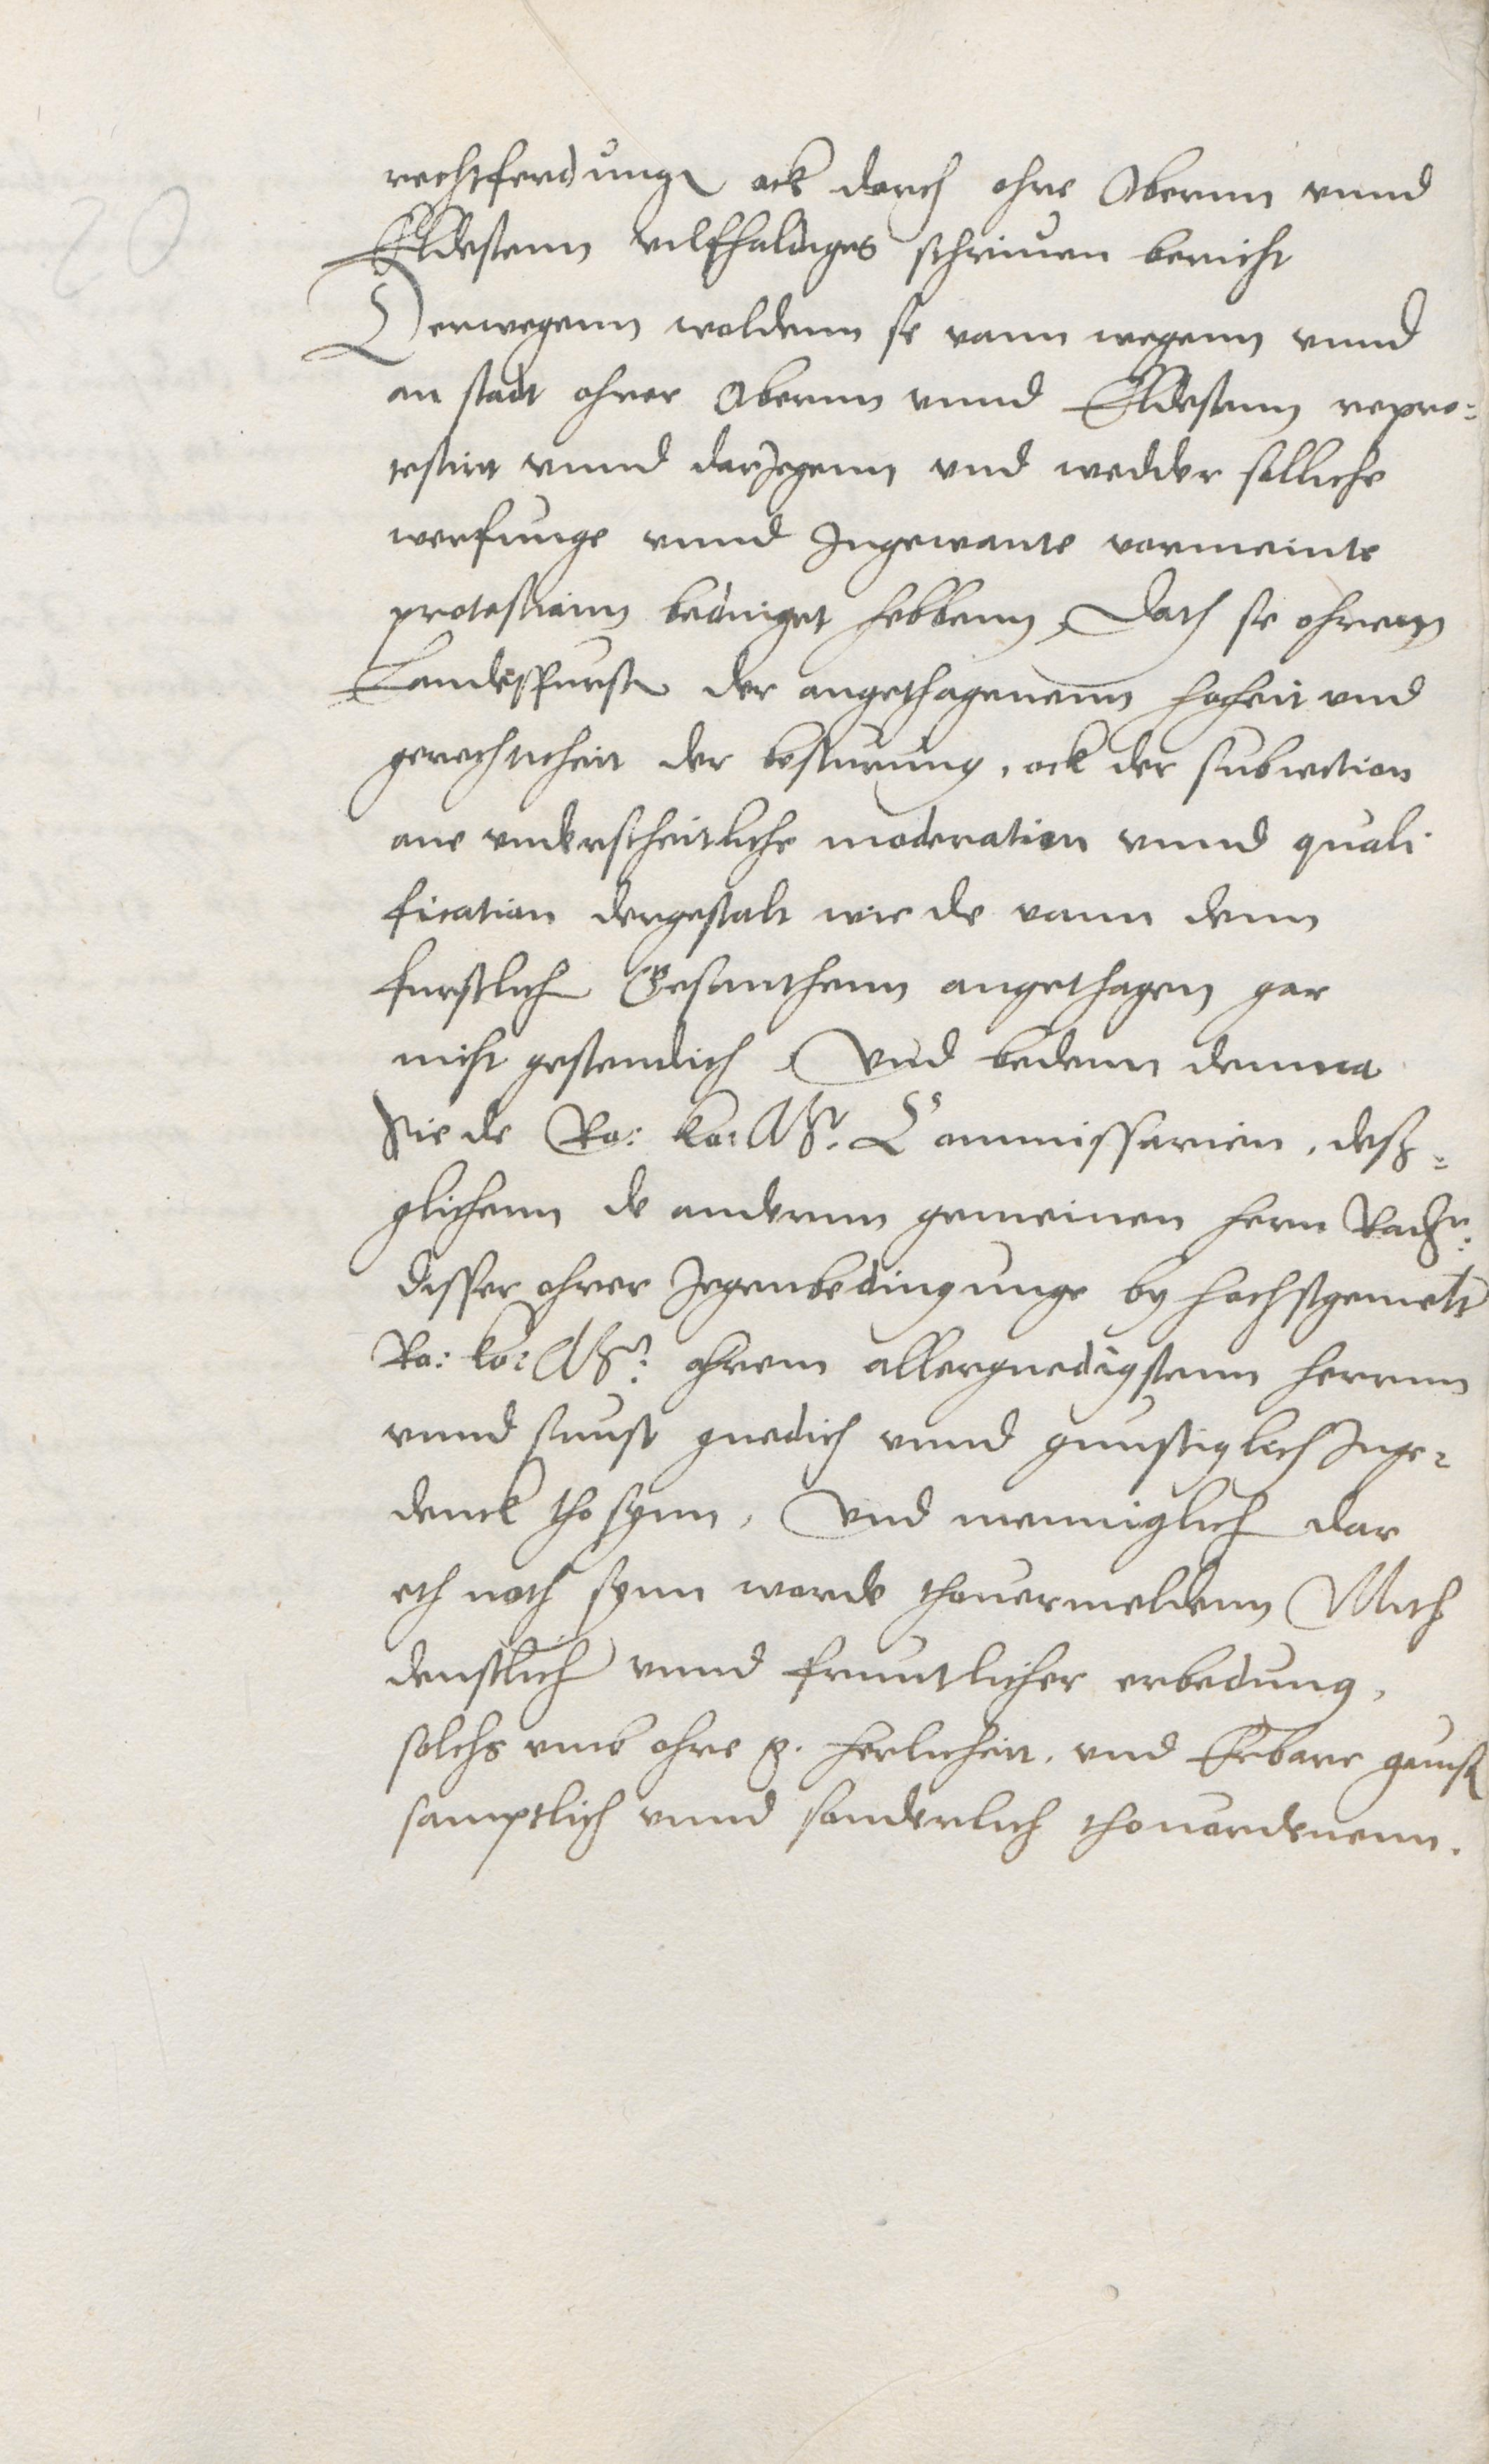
rechtferdungen ock dorch ohre Obernn vnnd
Eldestenn vilfhaldiges schriuen bericht
Derwegenn woldenn se vann wegenn vnnd
an stadt ohrer Obernn vnnd Eldestenn repro¬
testirt vnnd darjegenn vnd wedder solliche
werfunge vnnd jngewante vormeinte
protestionn bedinget hebbenn, Dath se ohrem
Landesfursten der angethagenenn hocheit vnd
gerechticheit der besturung, ock der subiection
ane vnderscheitliche moderation vnnd quali¬
fication dergestalt wie de vann denn
furstlichen Gesanthenn angethagen gar
nicht gestendich Vnd bedenn demna
Sie de Ro: Ko: M: Commissarien, deß¬
glichenn de andernn gemeinen hern Radessendeboden
disser ohrer jegenbedingunge by hochstgemelter
Ro: Ko: M: ohrem allergnedigstenn herrnn
vnnd sunst gnedich vnnd gunstiglich jnge¬
denck tho synn, Vnd menniglichen dar
eth noth synn worde thouermeldenn Mith
denstlicher vnnd fruntlicher erbedung,
solchs vmb ohre g. herlicheit, vnd Erbare gunsten
samptlich vnnd sonderlich thouordenenn.
